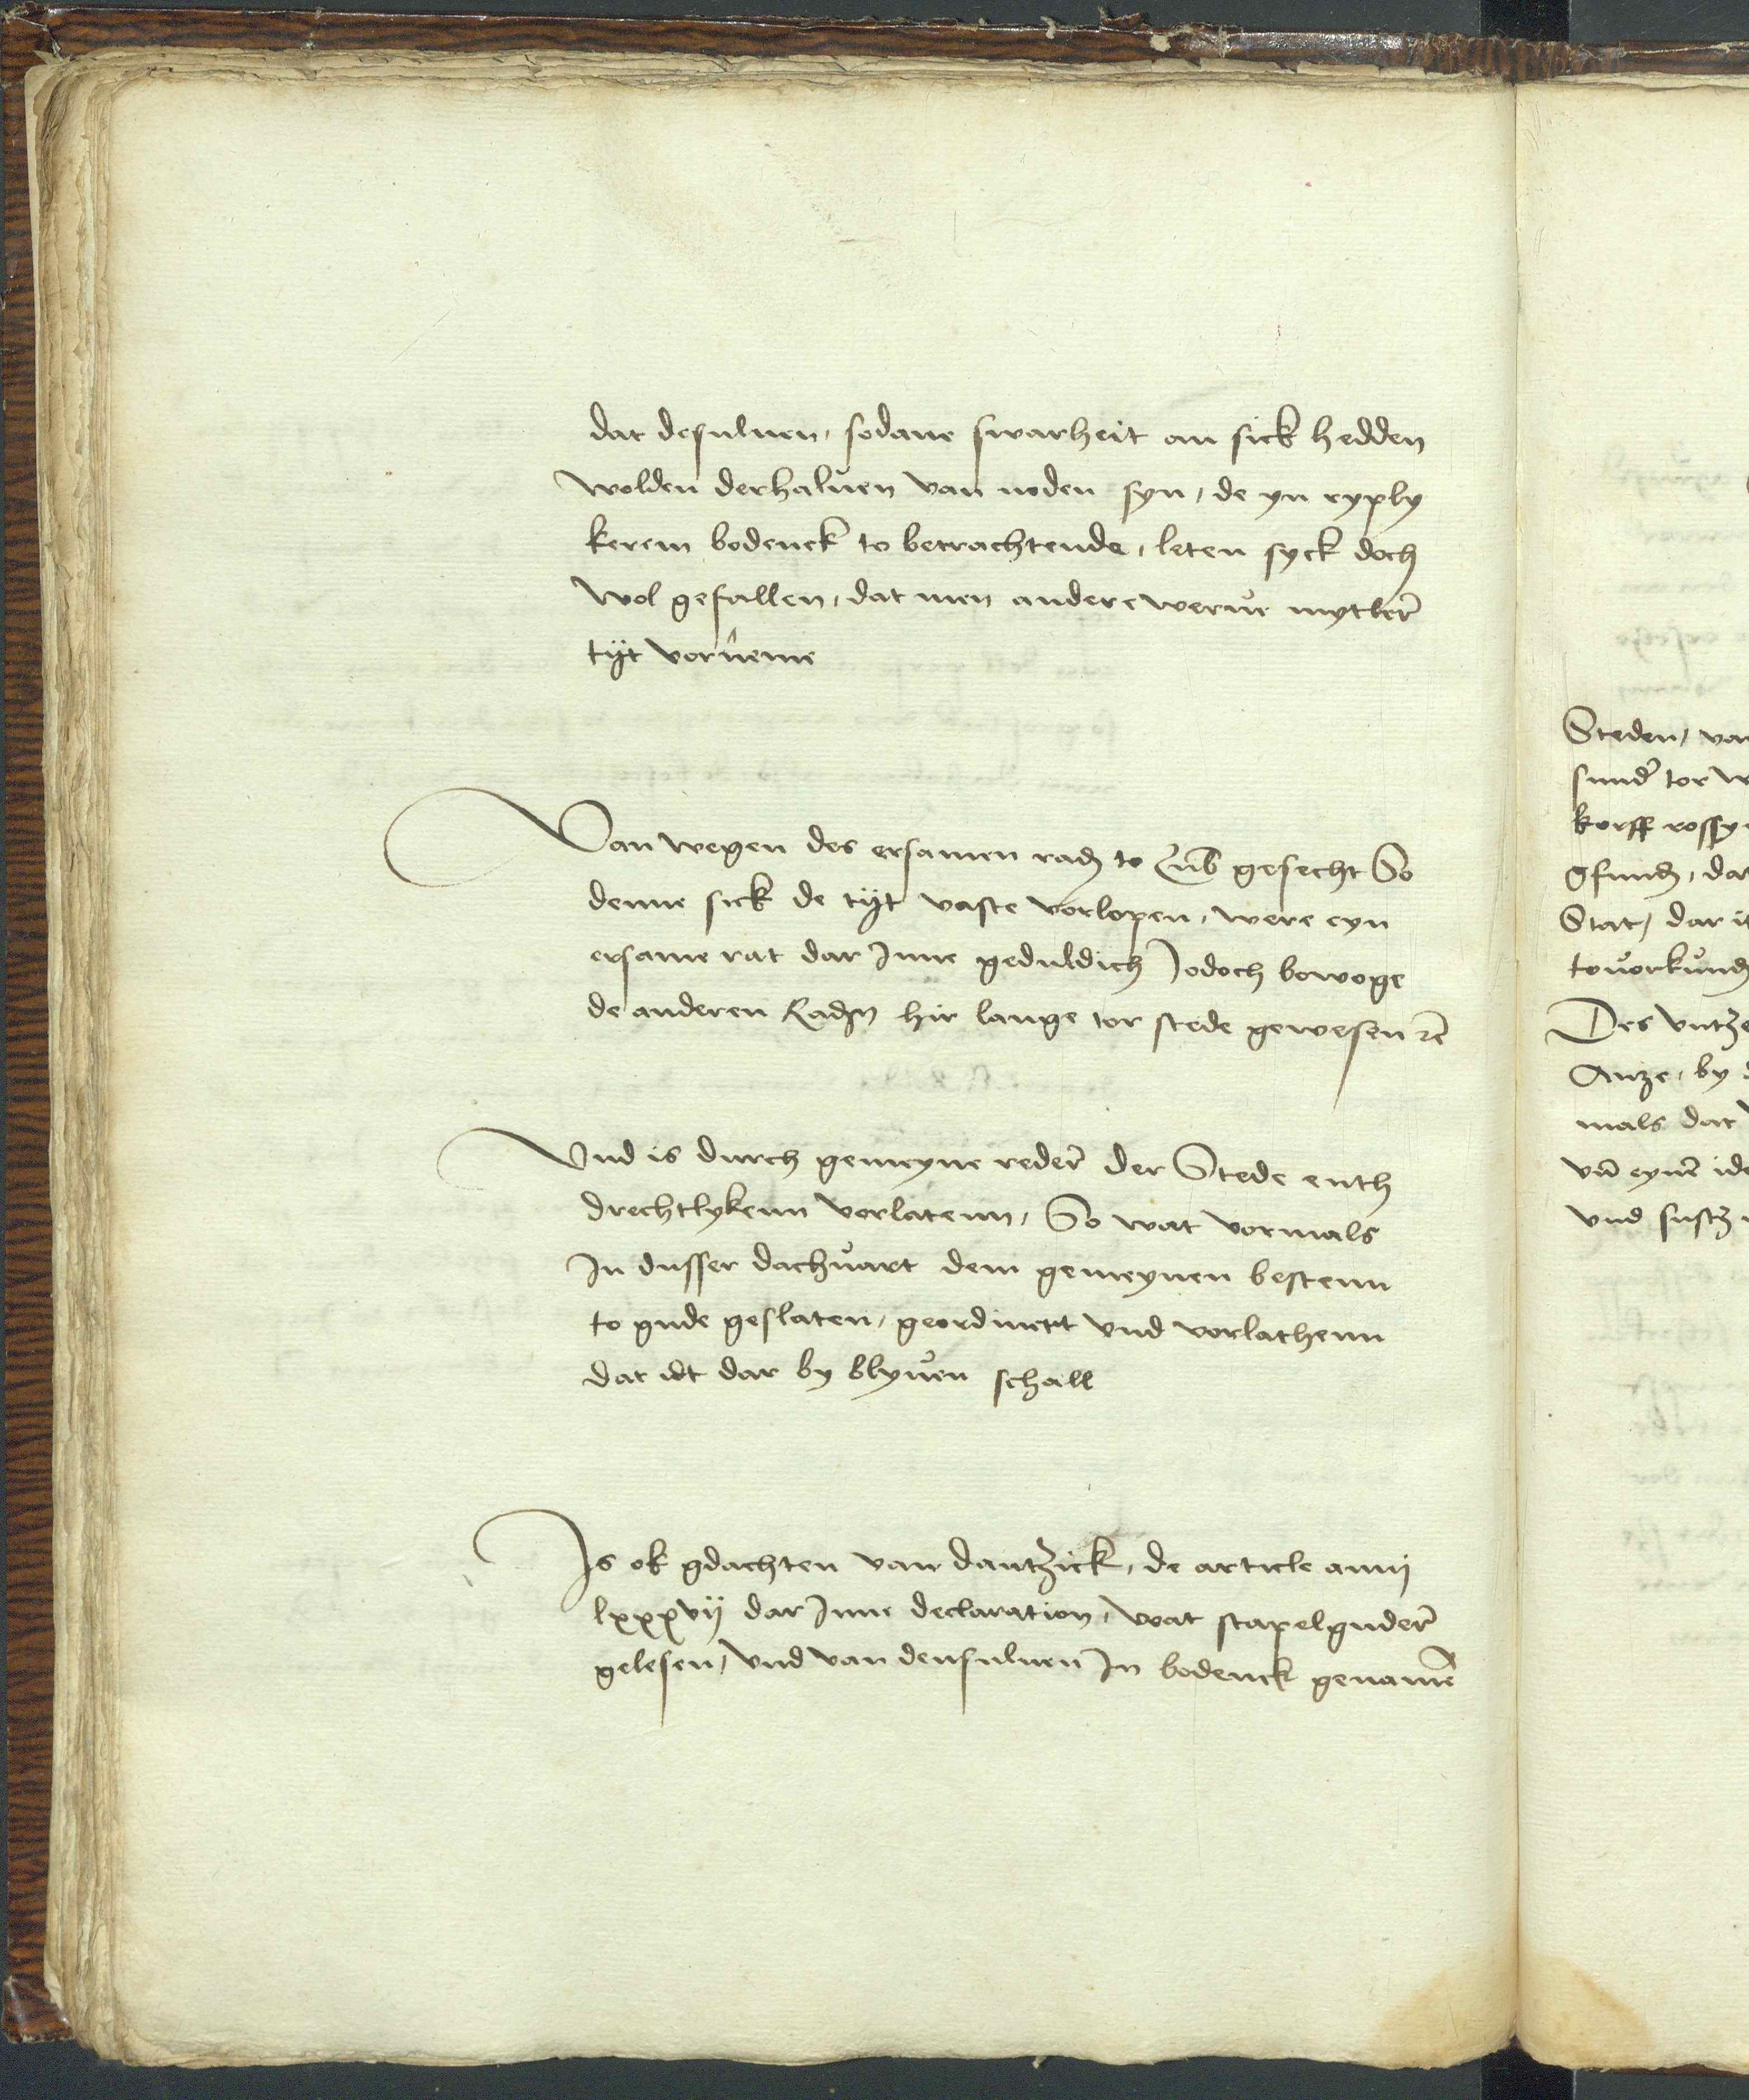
dat desuluen, sodane swarheit an sick hedden
wolden derhaluen van noden syn, de yn ryply¬
kerem bodenck to betrachtende, laten syck doch
wol gefallen, dat men anderewerue mytlerer
tijt vorneme
Van wegen des ersamen rades to Lubeck gesecht So
denne sick de tijt vaste vorlopen, were eyn
ersame rat dar Jnne geduldich Jodoch bowoge
de anderen Radessendebaden hir lange tor stede gewesen etc
Vnd is durch gemeyne reder der Stede enth¬
drechtlykenn vorlaten, so wat vormals
Jn dusser dachuart dem gemeynen bestenn
to gude geslaten, geordiniert vnd vorlathenn
dat idt dar by blyuen schall
Js ok gdachten van dantzick, de article annj
lxxxvij dar Jnne declaration, wat stapelguder
gelesen, vnd van densuluen Jn bodenck genamen
